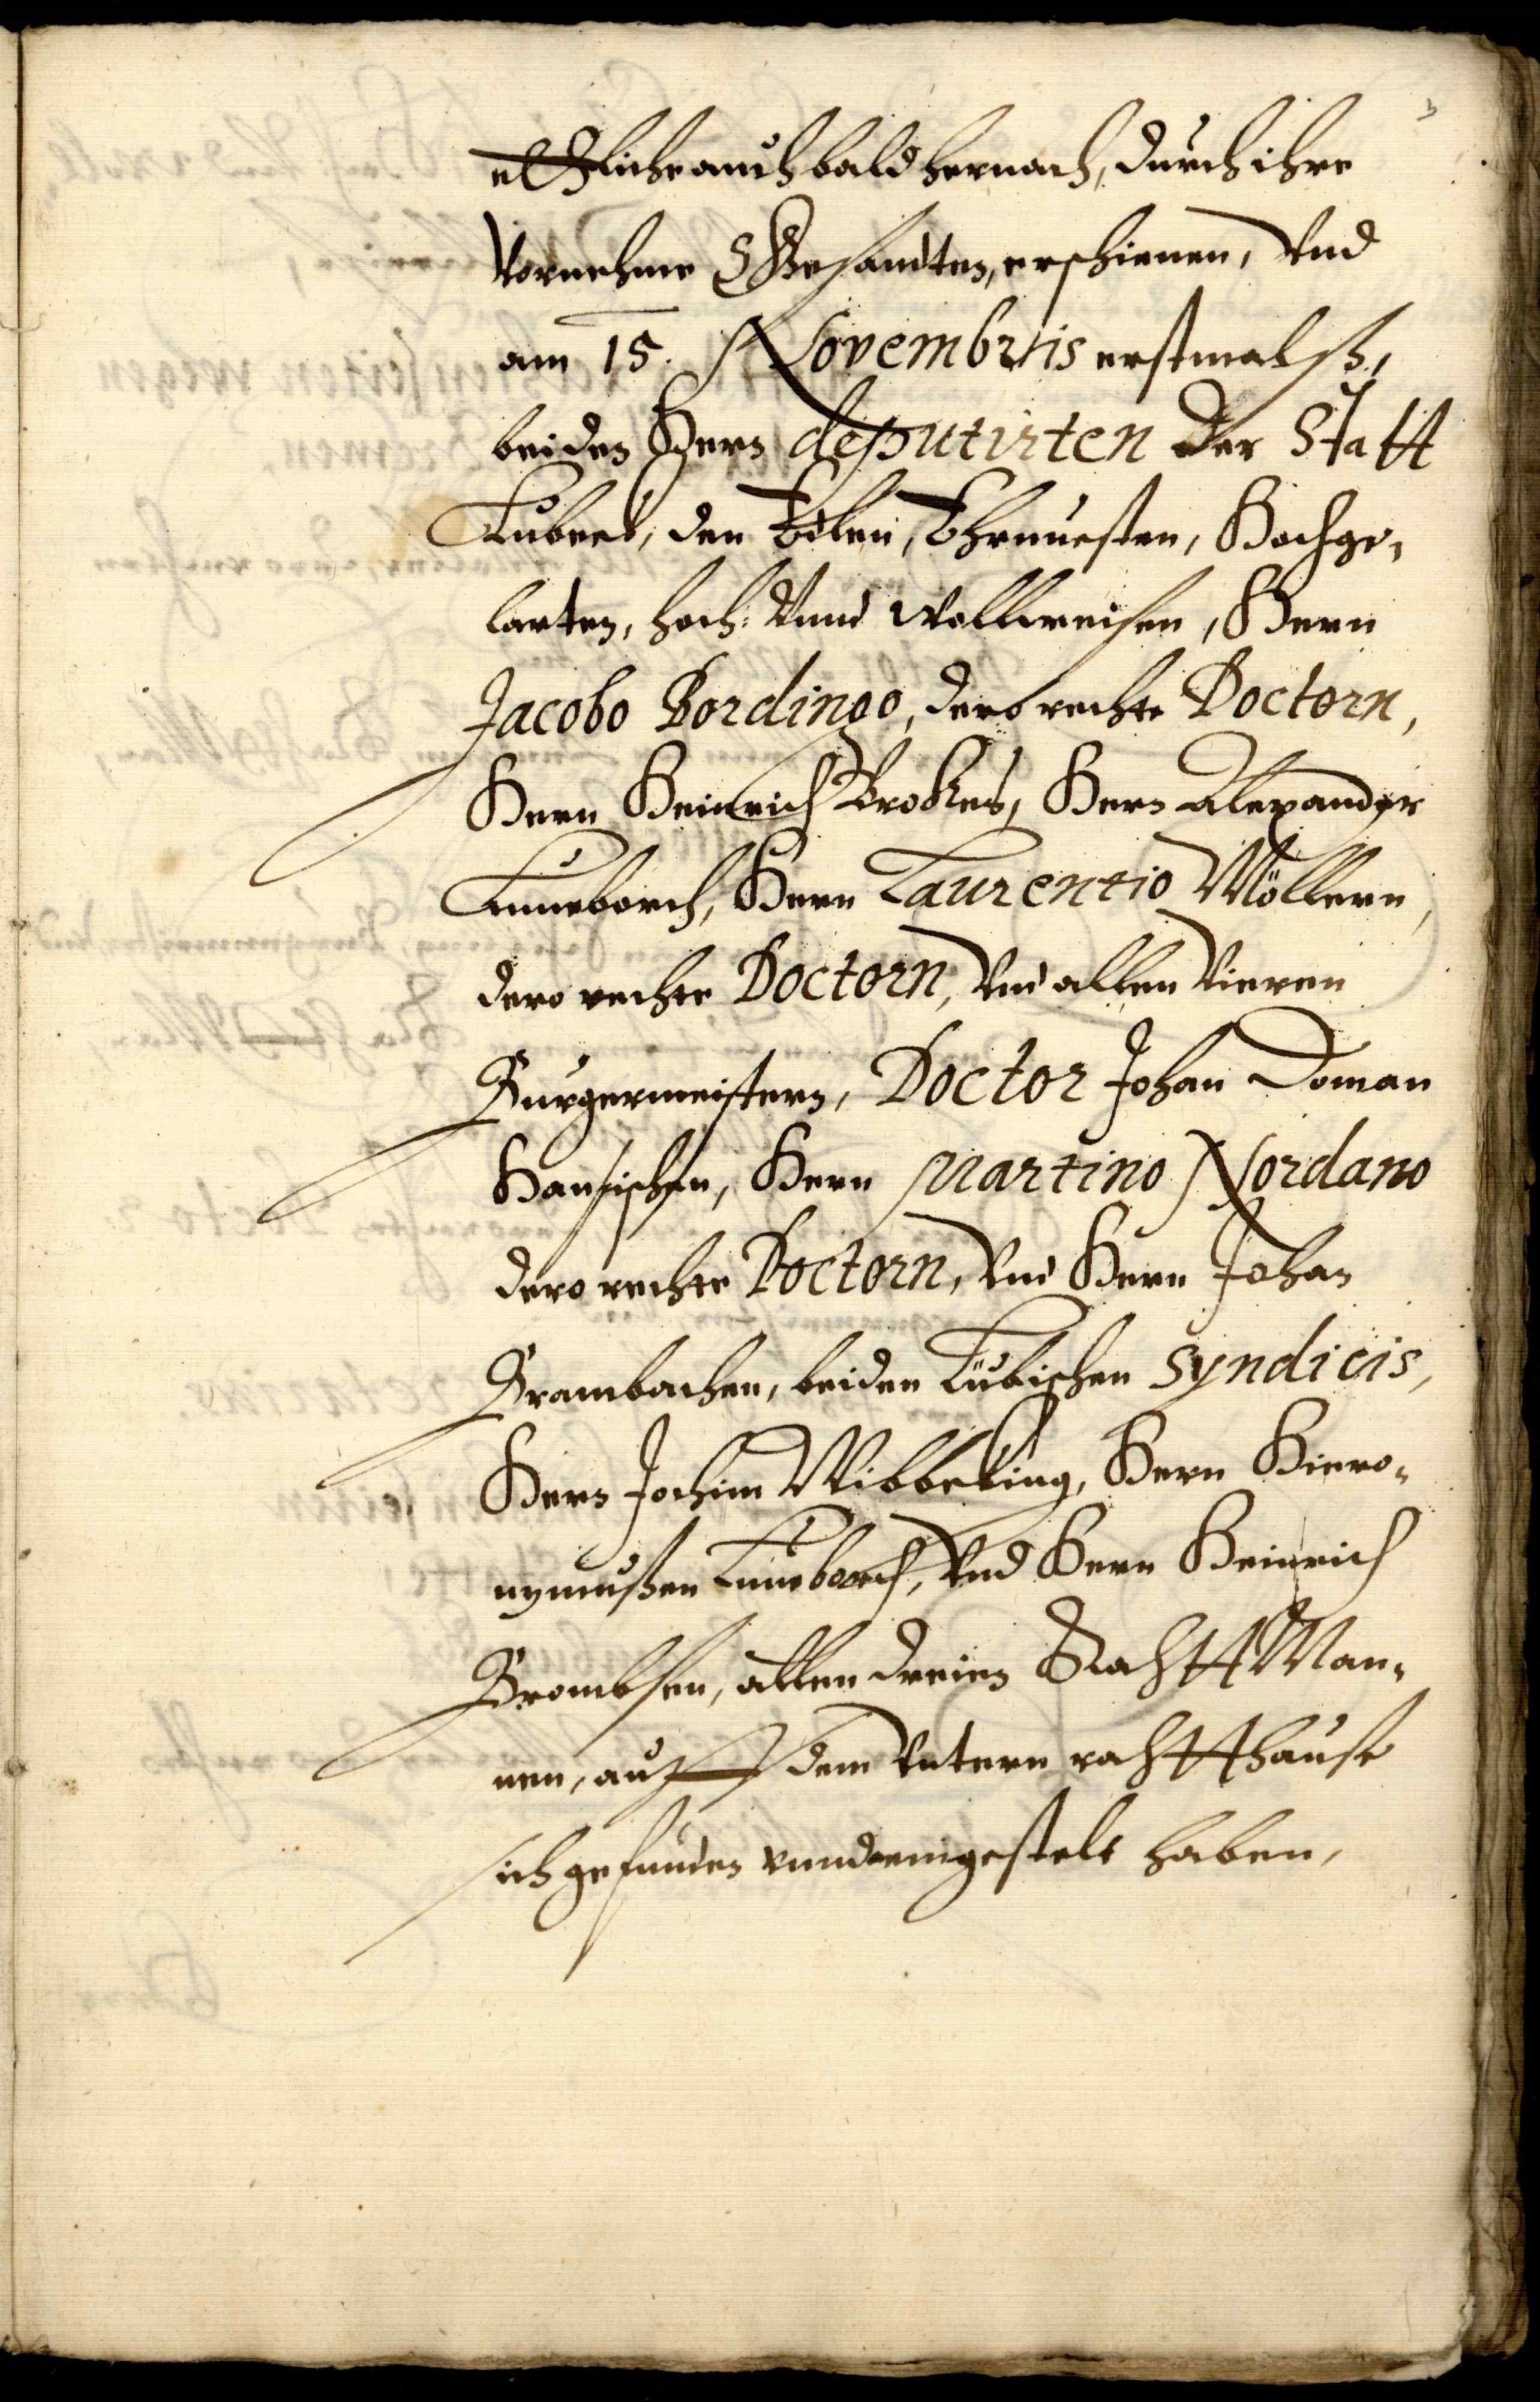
ettliche auch bald hernach, durch ihre
Vornehme Gesandten, erschienen, Vnd
am 15. Novembris erstmalß,
bei den Hern deputirten der Statt
Lubeck, den Edlen, Ehrnuesten, Hochge¬
larten, hoch: Vnd Wollweisen, Hern
Jacobo Bordingo, dero rechte Doctorn,
Hern Heinrich Brokes, Hern Alexander
Luneborch, Hern Laurentio Möllern,
dero rechte Doctorn, Vnd allen Vieren
Bürgermeistern, Doctor Johan Doman
Hansischen, Hern Martino Nordano
dero rechte Doctorn, Vnd Hern Johan
Brambachen, beiden Lübischen Syndicis,
Hern Jochim Wibbeking, Hern Hiero¬
nymußen Luneborch, Vnd Hern Heinrich
Brombsen, allen dreien RahttMan¬
nen, auff dem Vntern rahtthause
sich gefunden vnnd eingestelt haben,
